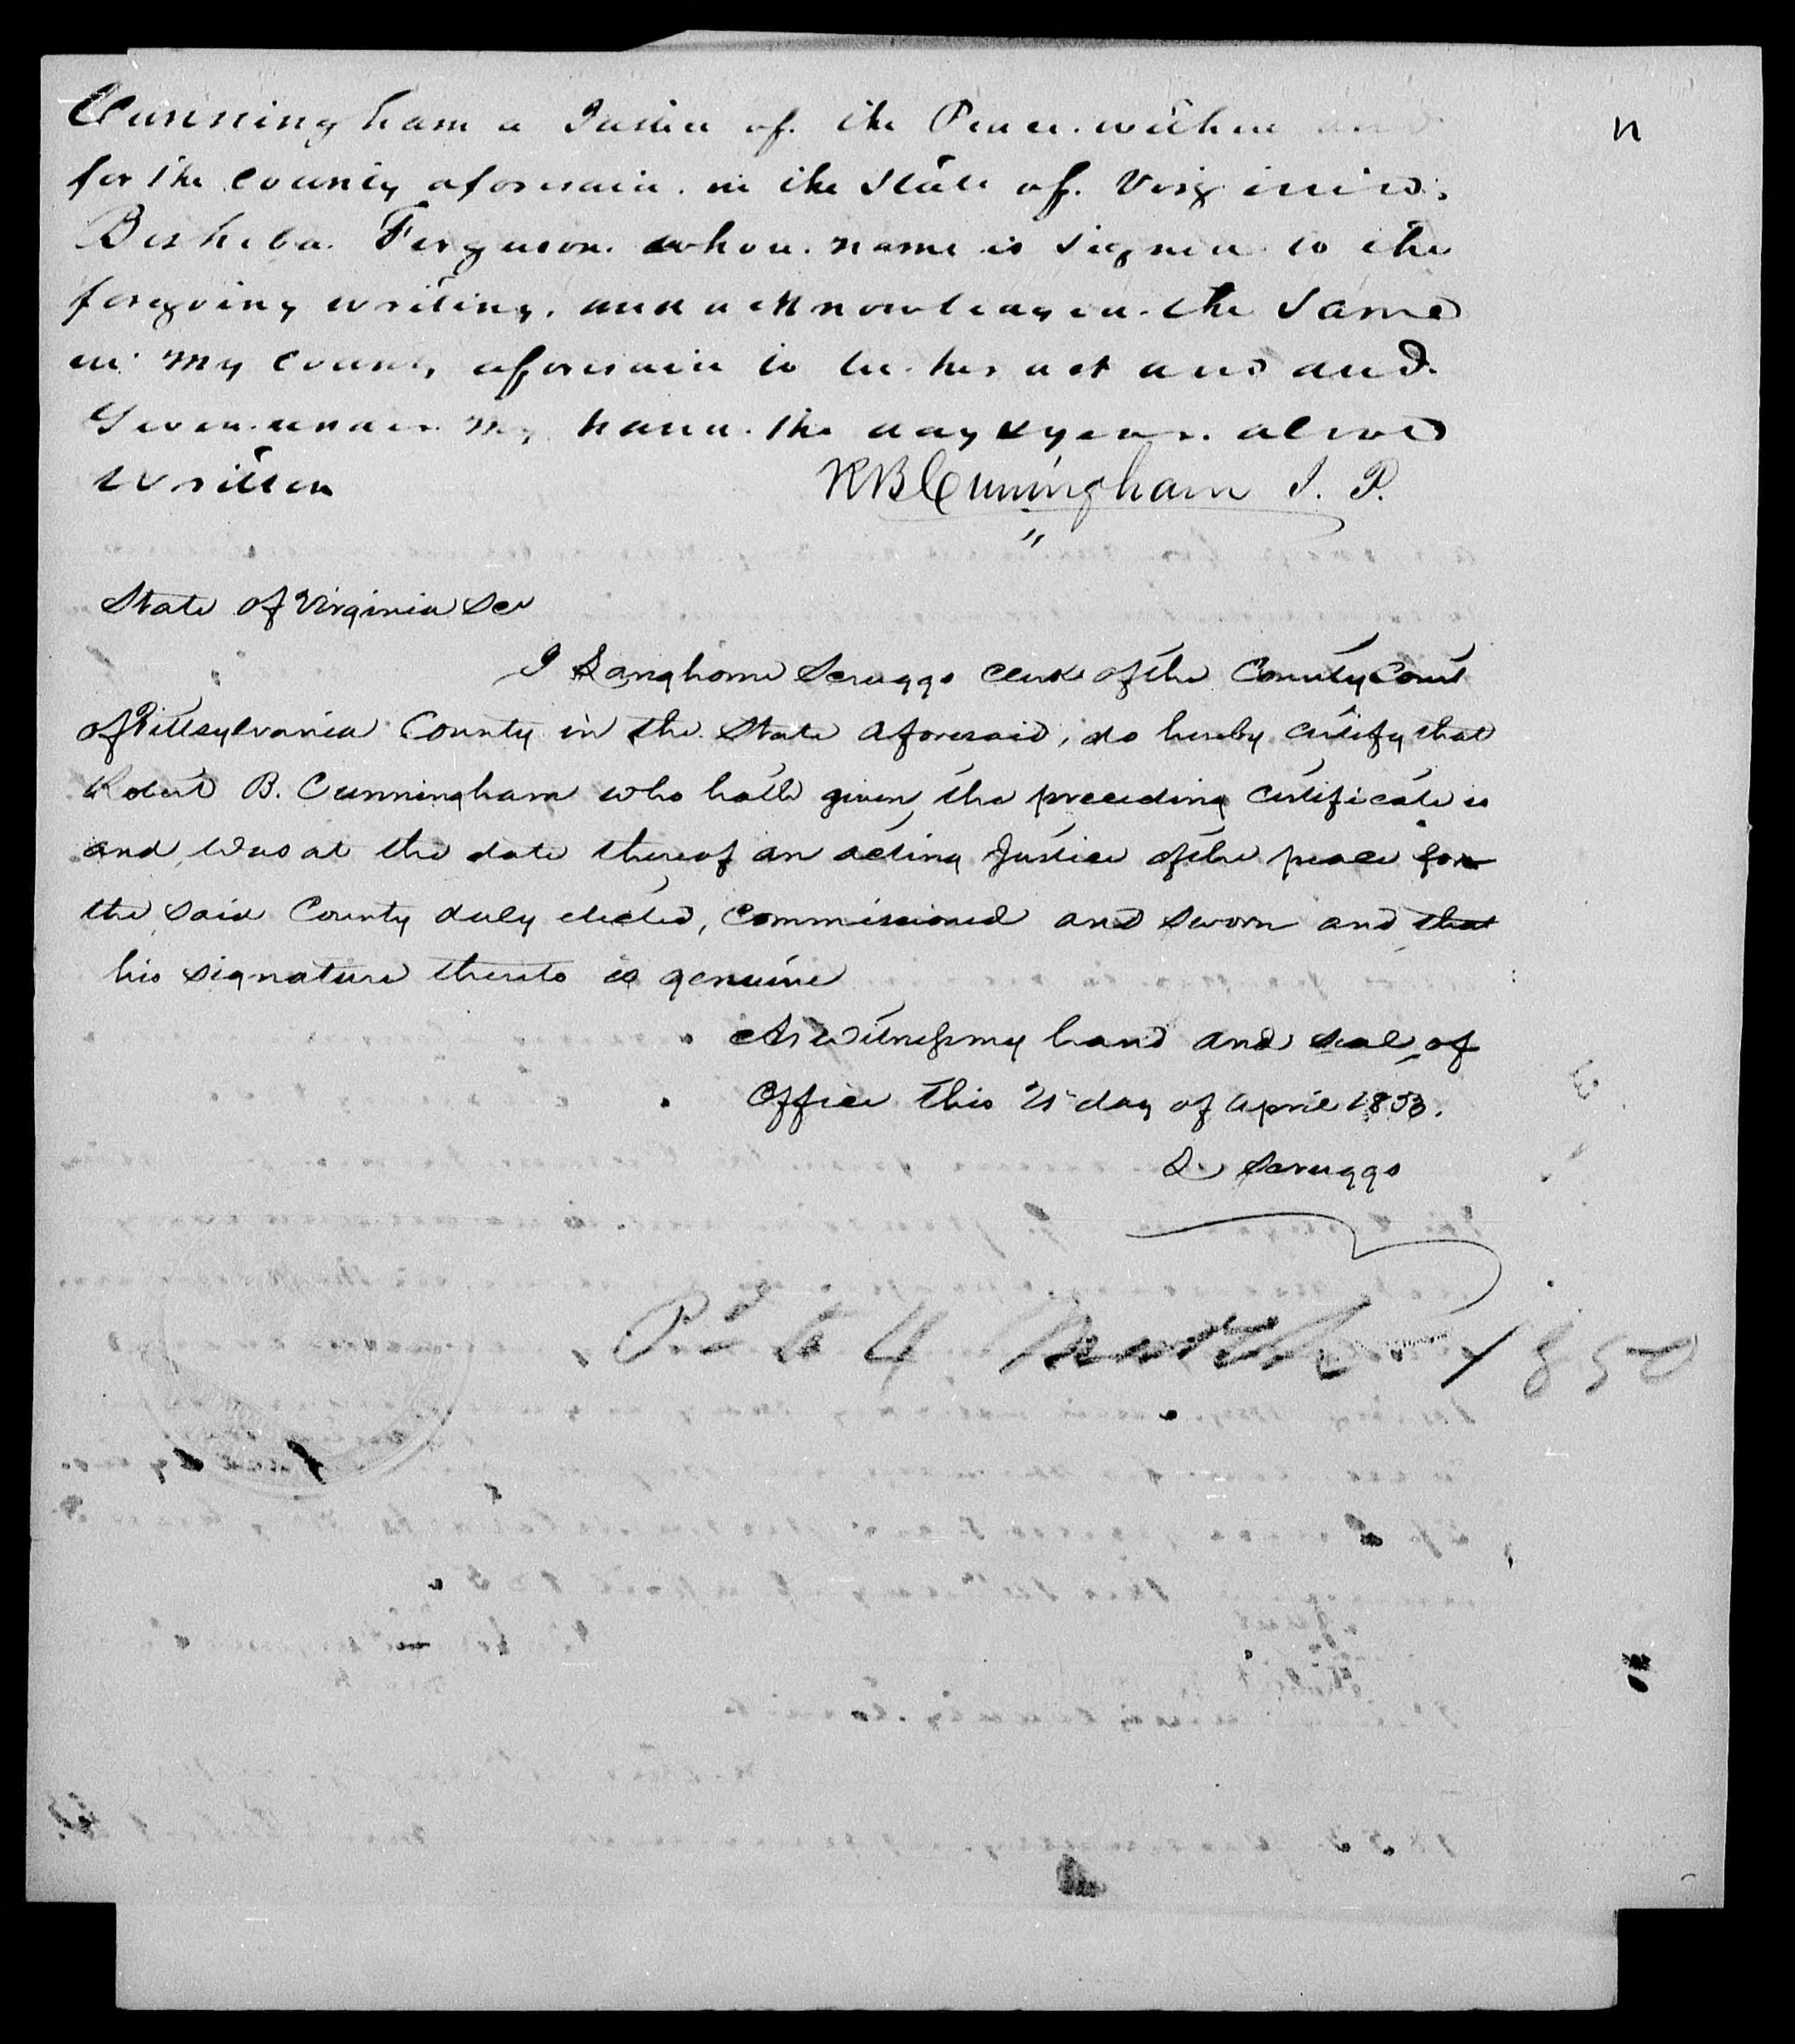Cunningham a Justice of the Peace within and
for the County aforesaid in the State of Virginia
Besheba Ferguson whose name is signed to the
foregoing writing, and acknowledged the same
in my County aforesaid to be her act and and
Given under my hand the day & year above
written
R B Cunningham J.P.
State of Virginia [illegible]
I Langhorne Scruggs Clerk of the County Court
of Pittsylvania County in the State aforesaid, do hereby certify that
Robert B. Cunningham who hath given the preceding certificate is
and was at the date thereof an acting Justice of the peace for
the said County duly elected, commissioned and sworn and that
his signature thereto is genuine
As Witness my hand and seal of
Office this 21 day of April 1853.
L. Scruggs
[seal]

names: Robert B Cunningham, Langhorne Scruggs, L Scruggs, R B Cunningham, Cunningham, Besheba Ferguson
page: 66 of 81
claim: widow's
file: W. 7262, Robert Ferguson, Va.